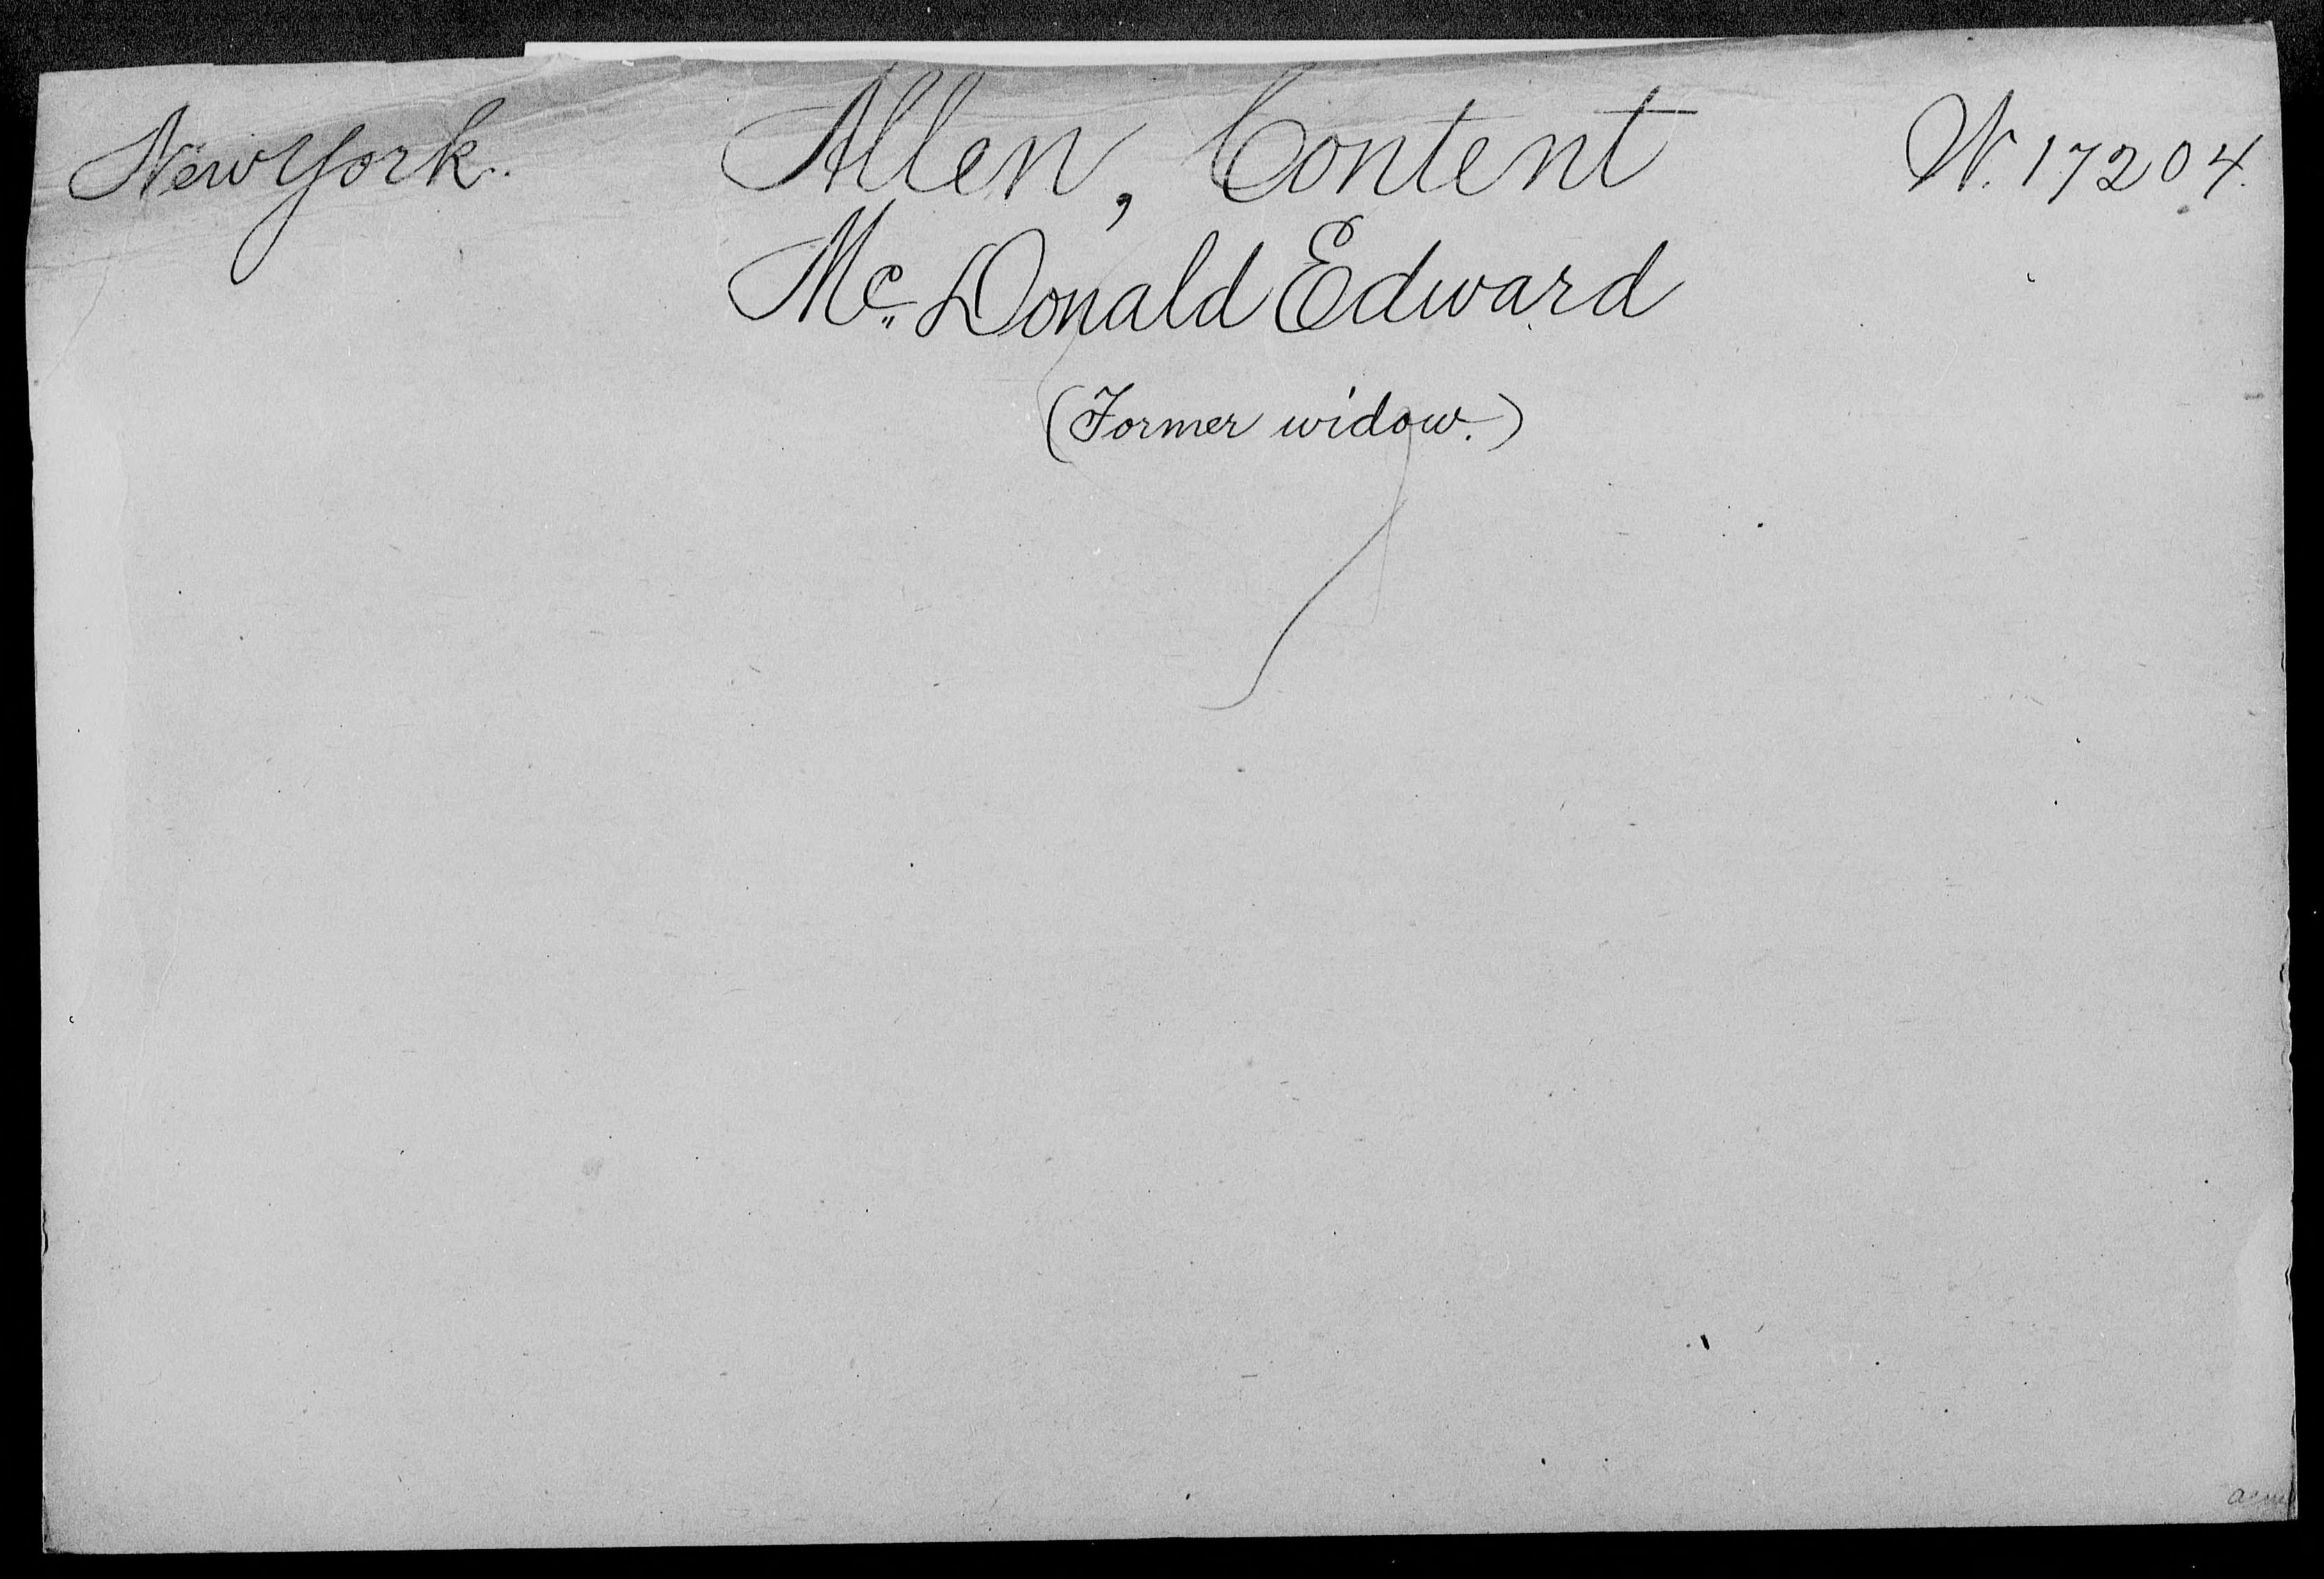New York
Allen, Content      W17204
McDonald Edward
(Former widow.)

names: Edward Mc Donald, Content Allen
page: 22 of 22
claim: survivor's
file: S. 36399, Charles Allen, Va.